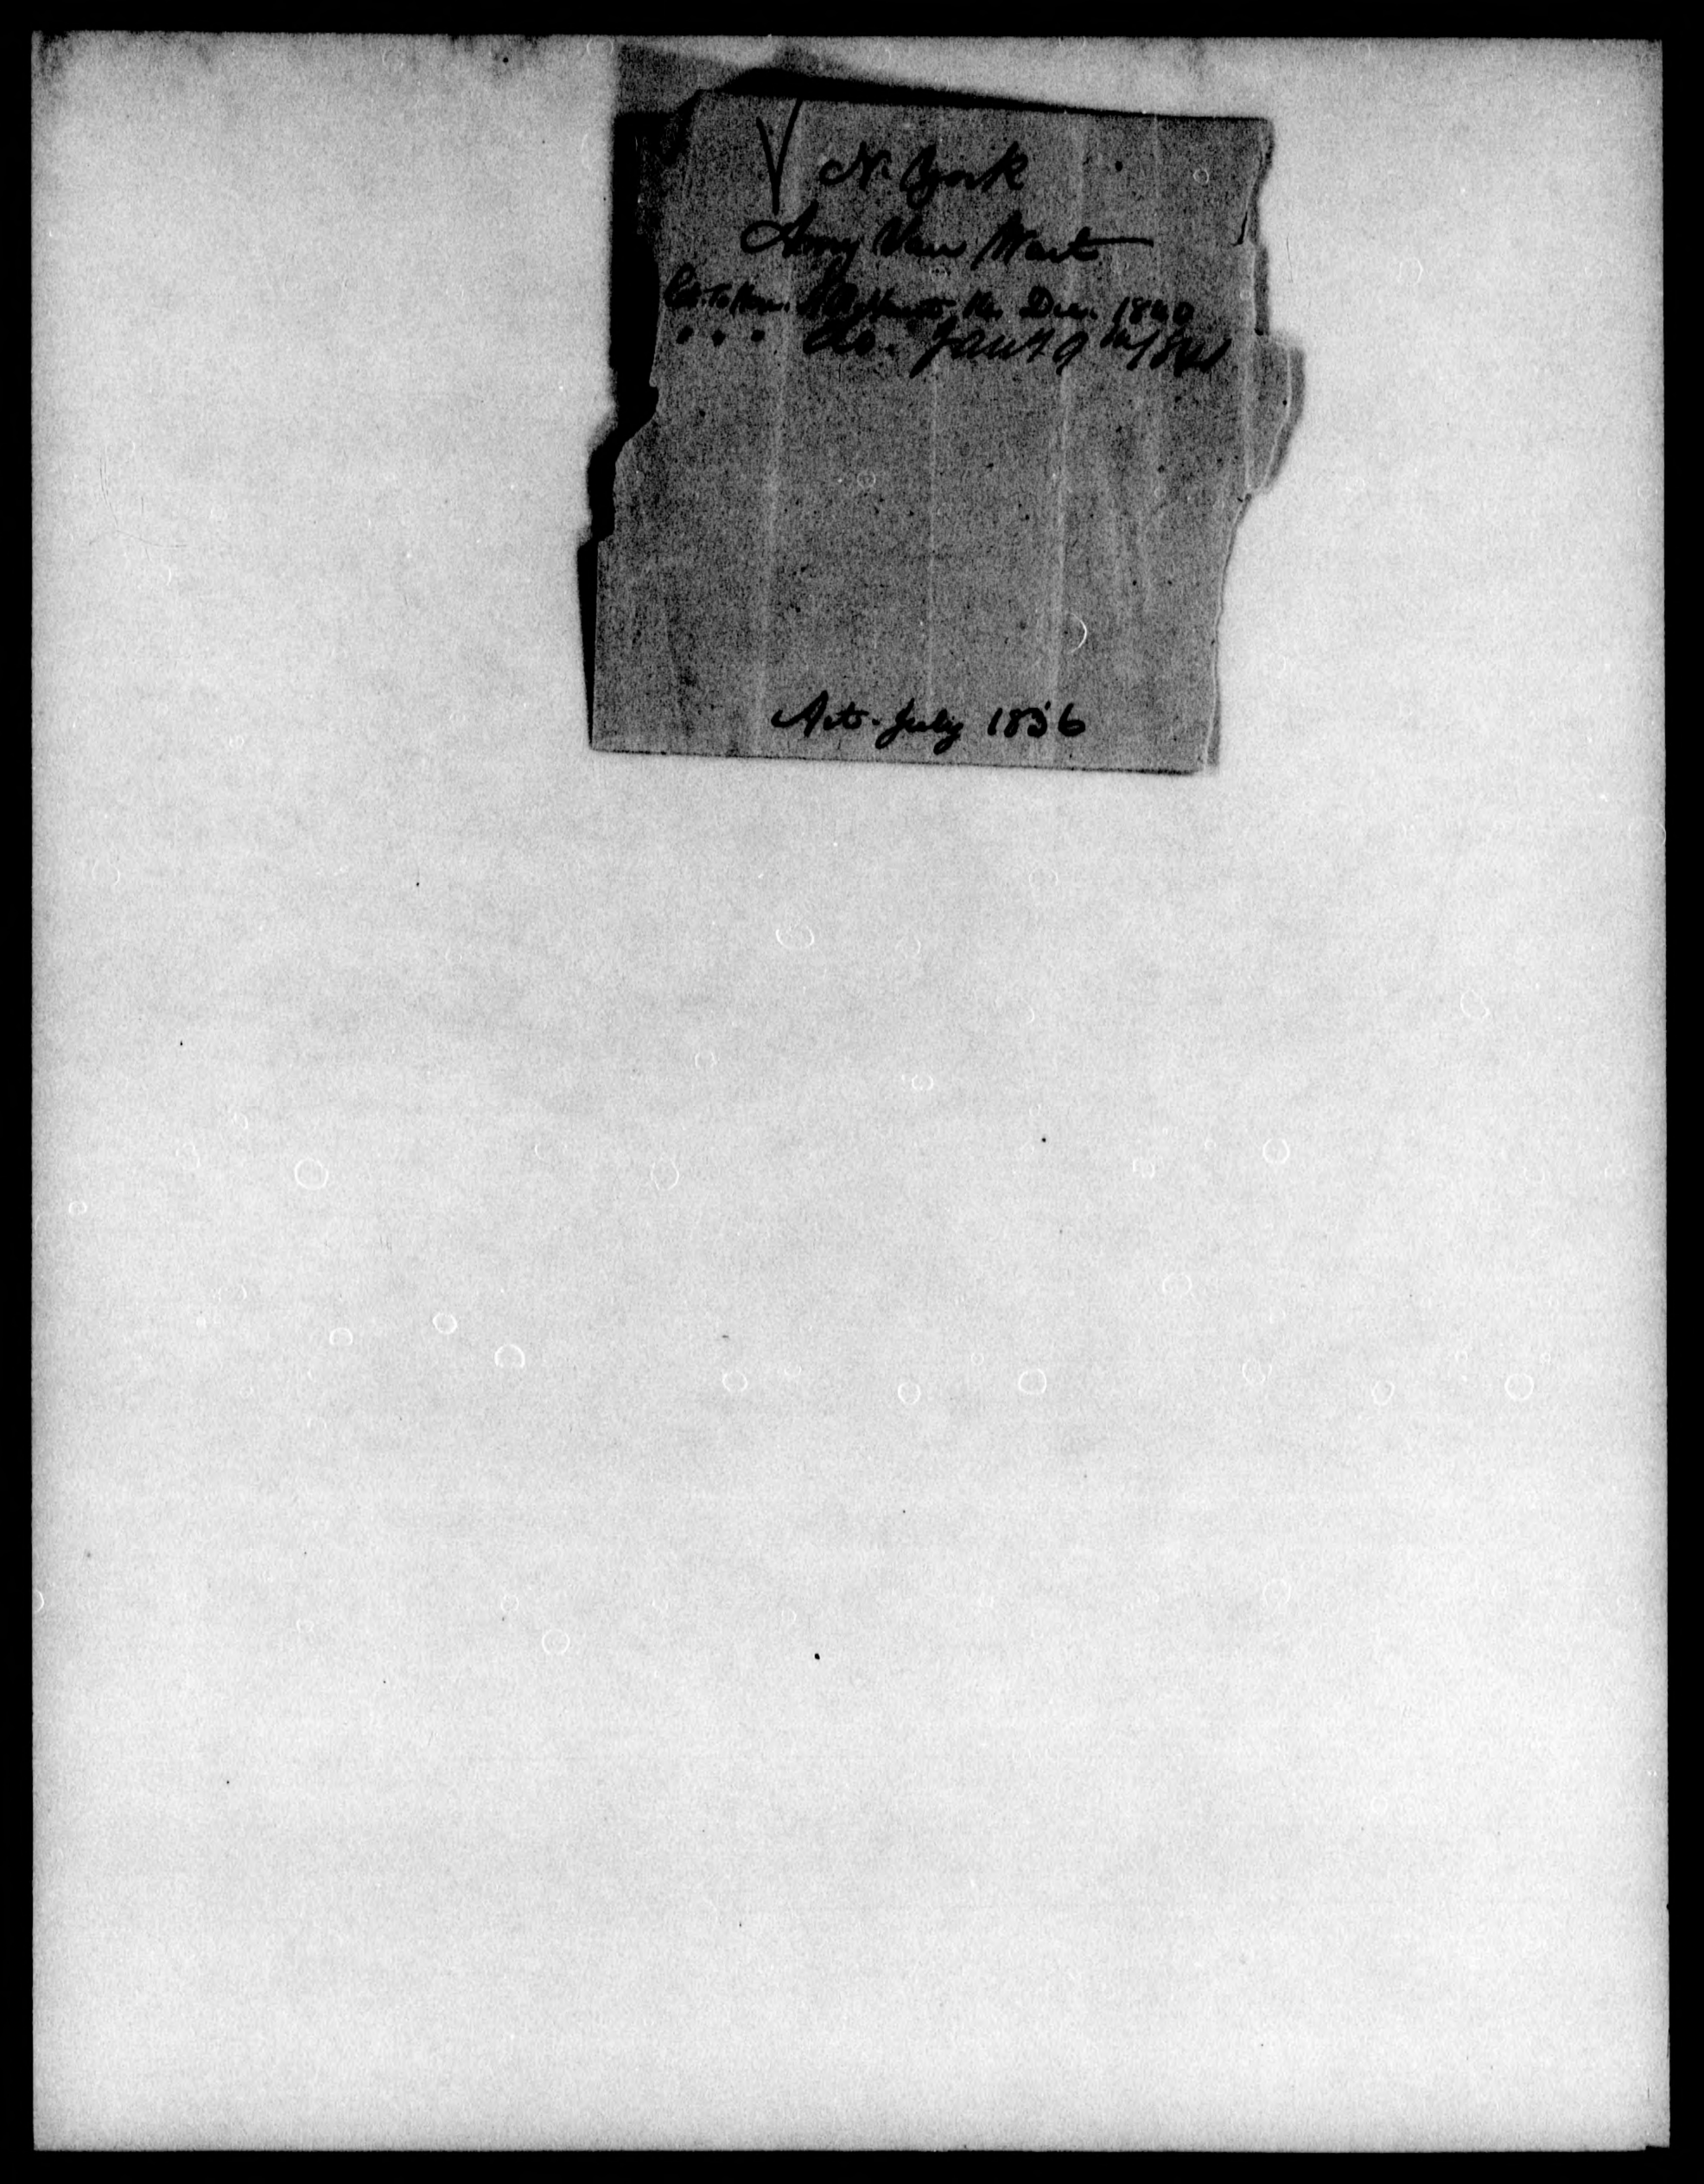V N. York
Amy Van Wart
let to Hon H P Hunt 16 Dec. 1840
let to Hon do. Jany 9th 1841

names: Amy Van Wart, H P Hunt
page: 28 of 102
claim: widow's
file: W. 18239, Isaac Van Wart, New York